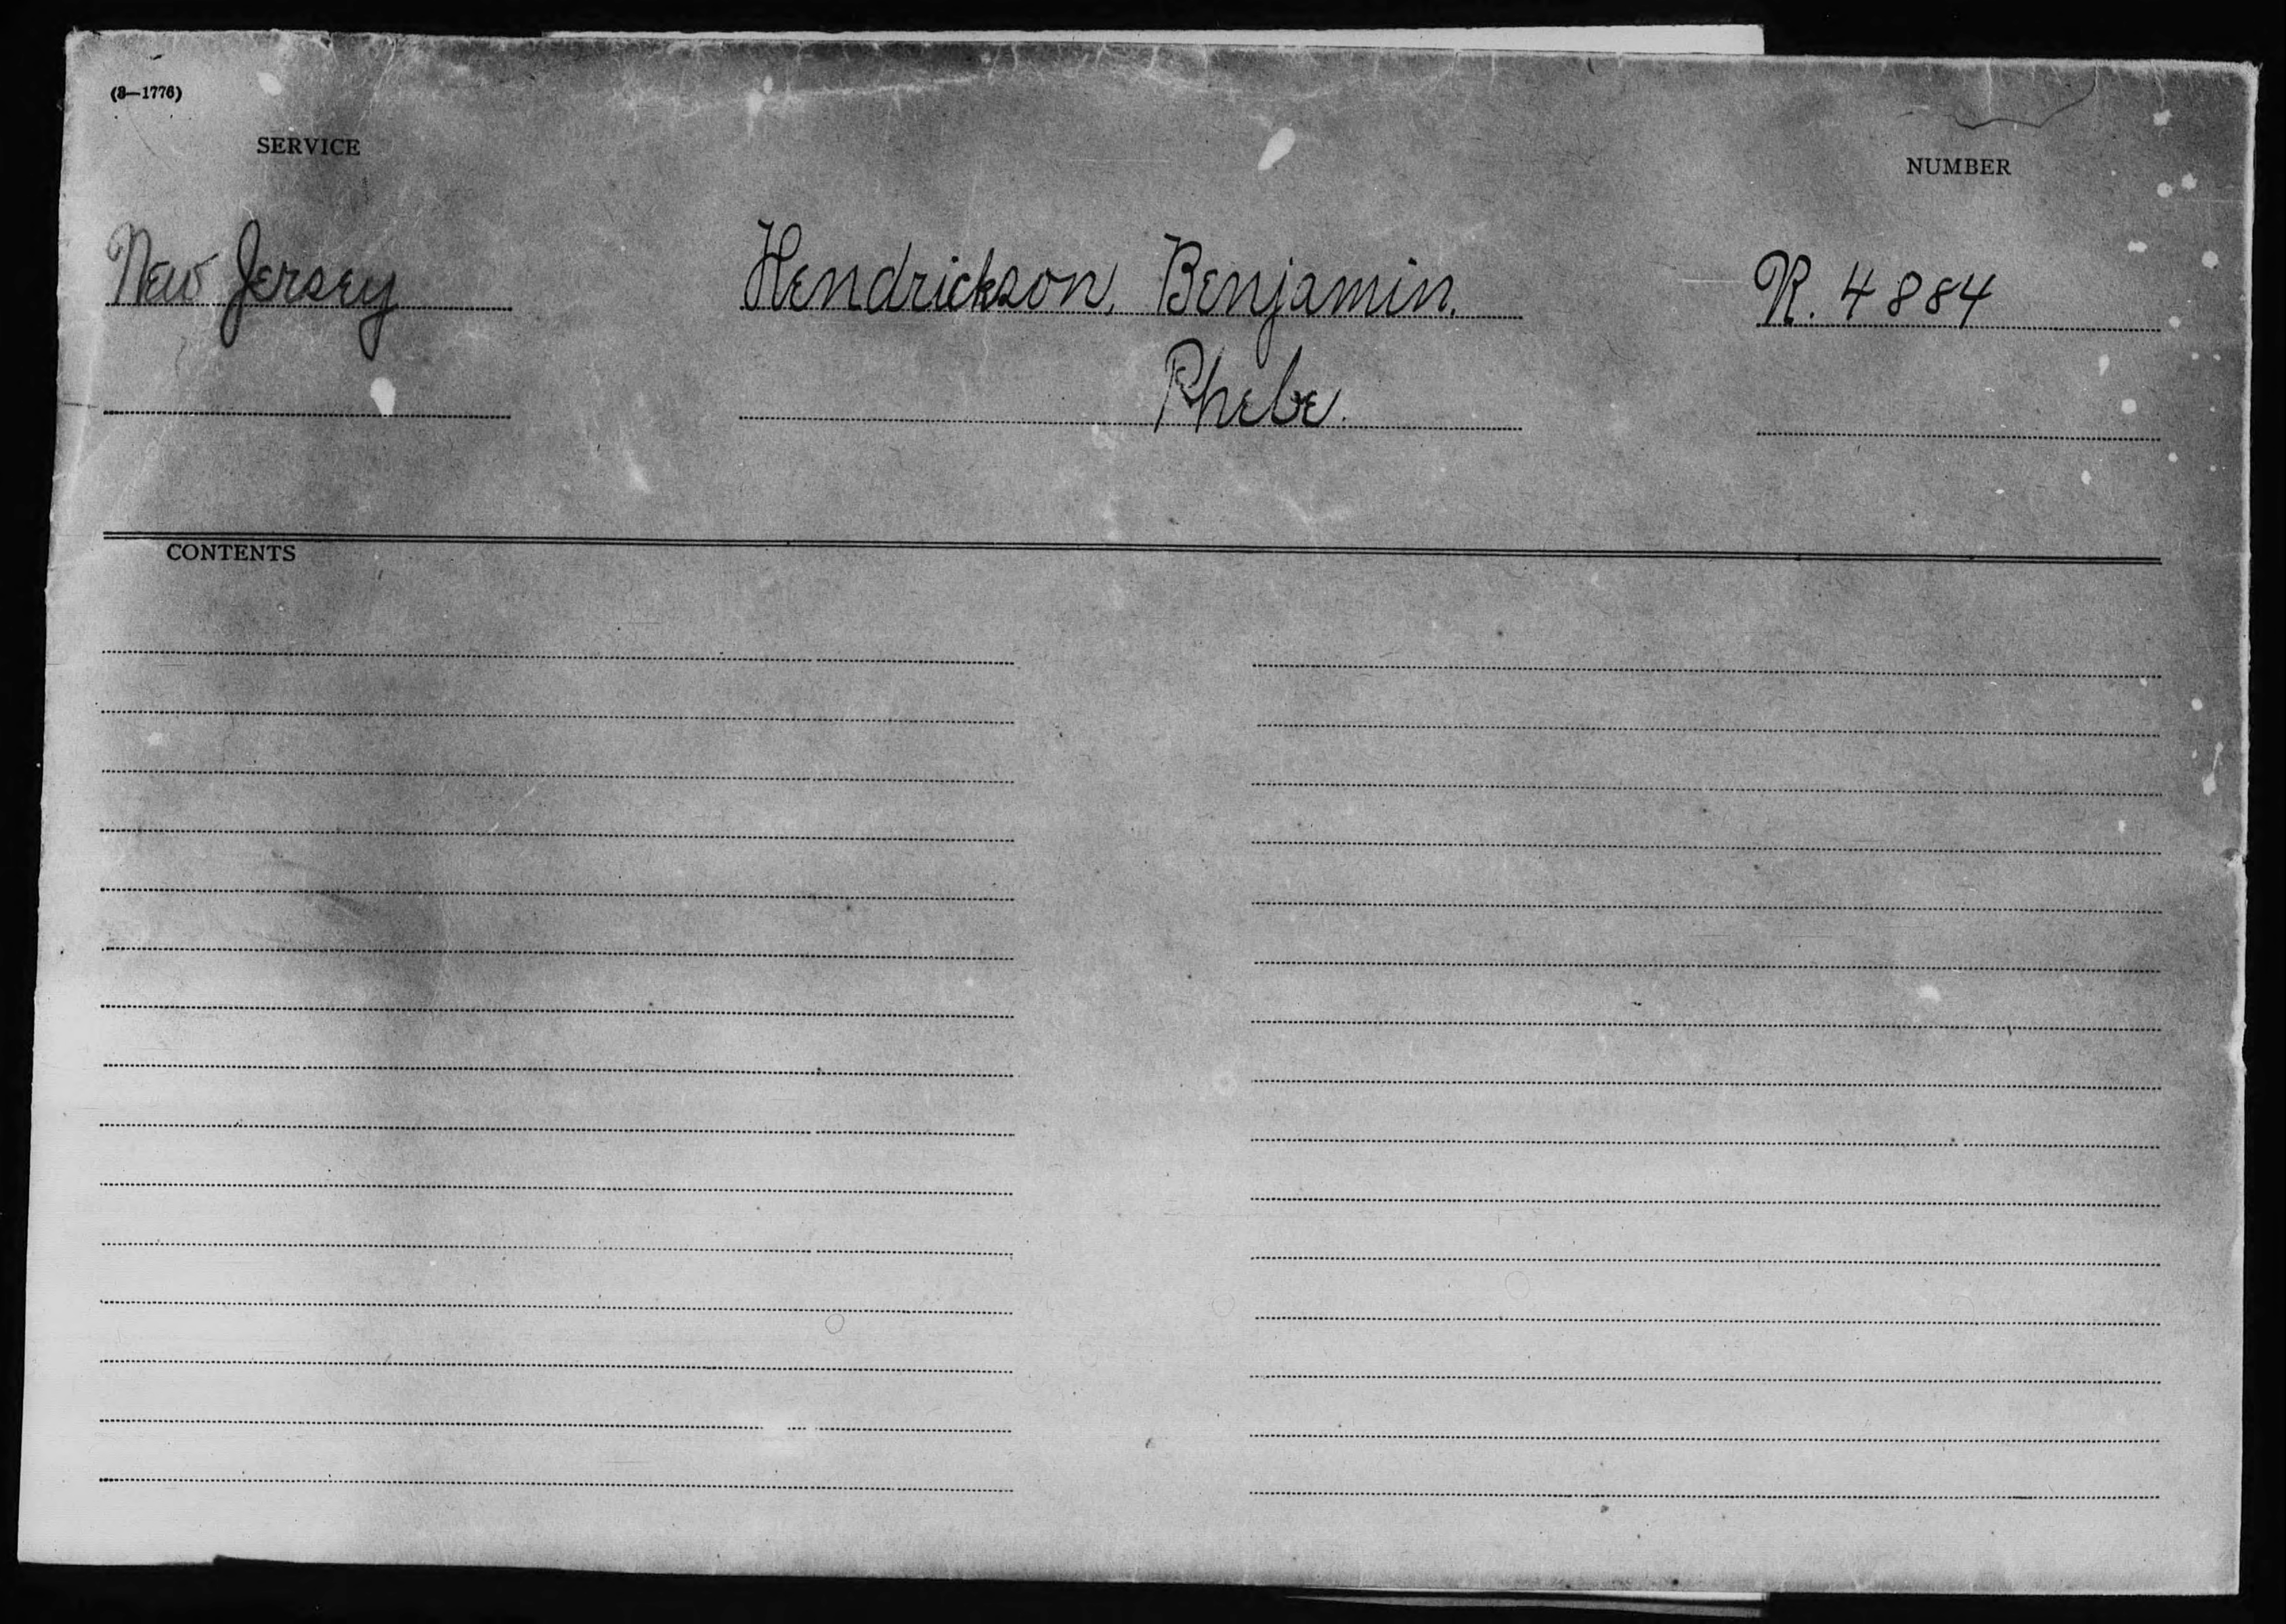(3 - 1776)
SERVICE
New Jersey

Hendrickson, Benjamin.
Phebe
NUMBER
R. 4884

CONTENTS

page: 1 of 20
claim: rejected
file: R. 4884, Benjamin Hendrickson, New Jersey